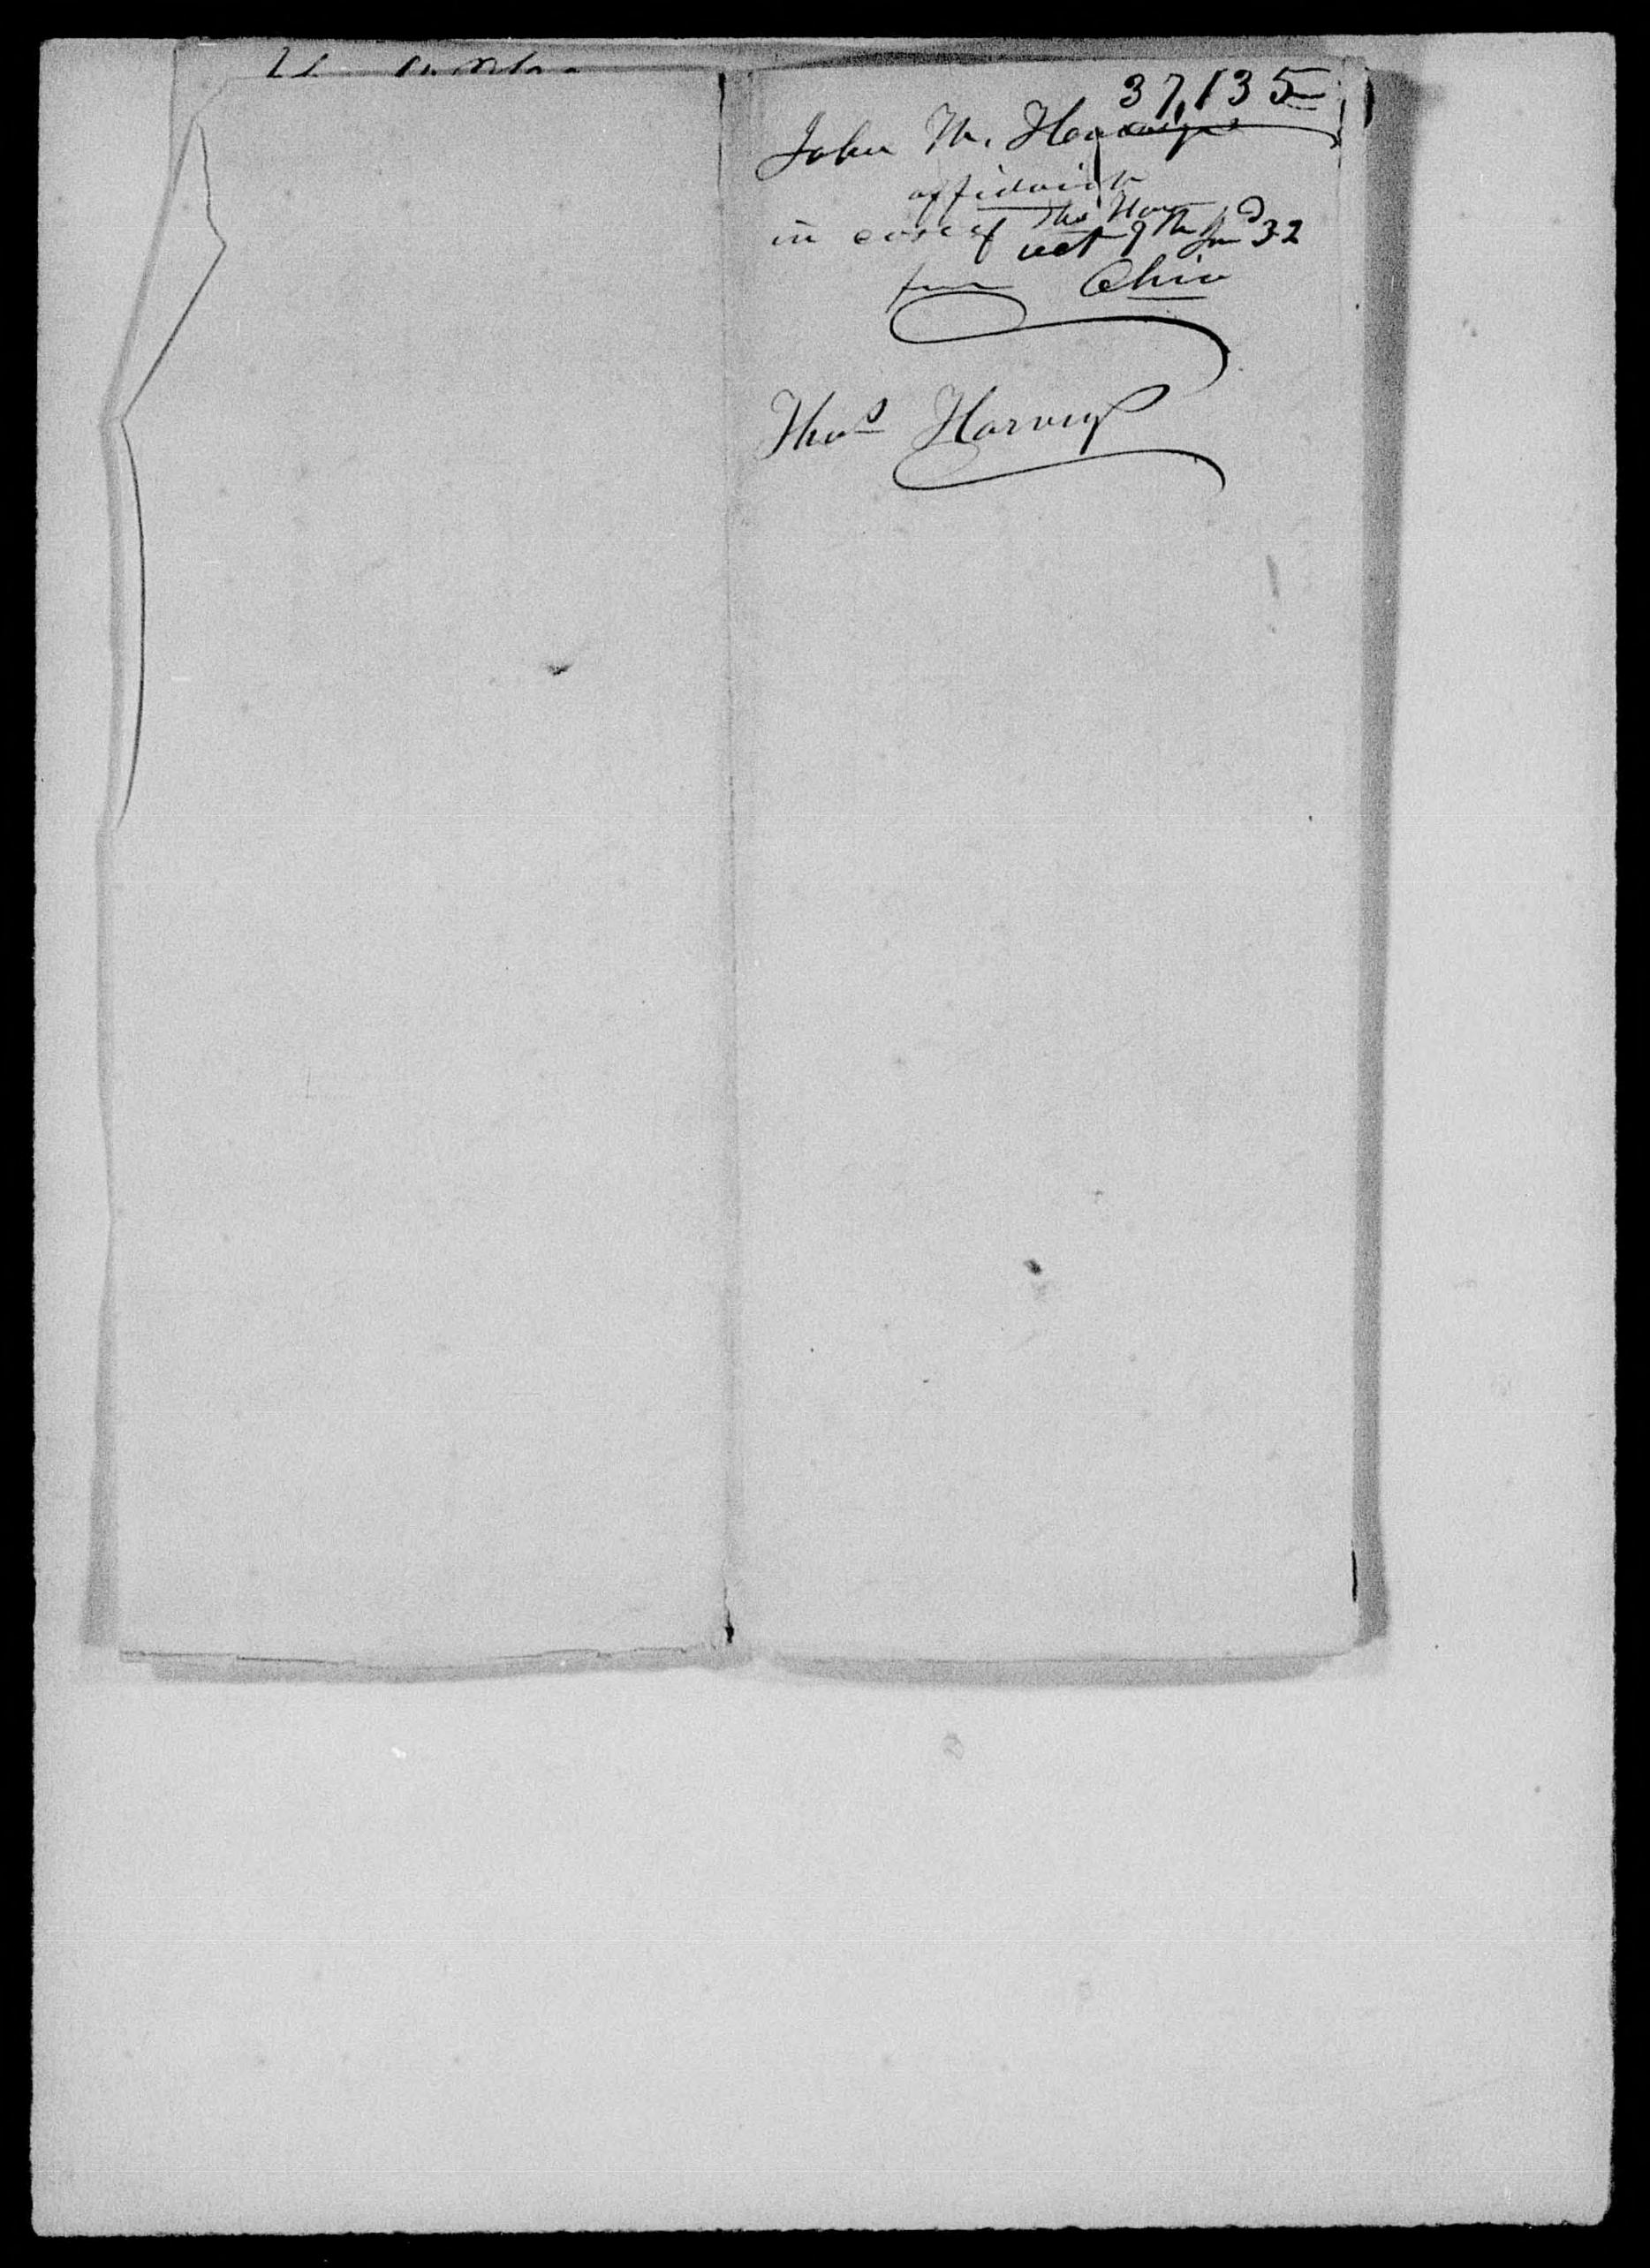37,135
John W. Harvey
affidavit in case of Thos Harvey
act 7th June 32
Thos Harvey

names: John W Harvey, Thos Harvey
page: 14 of 80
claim: survivor's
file: S. 18008, Thomas Harvey, N.H.